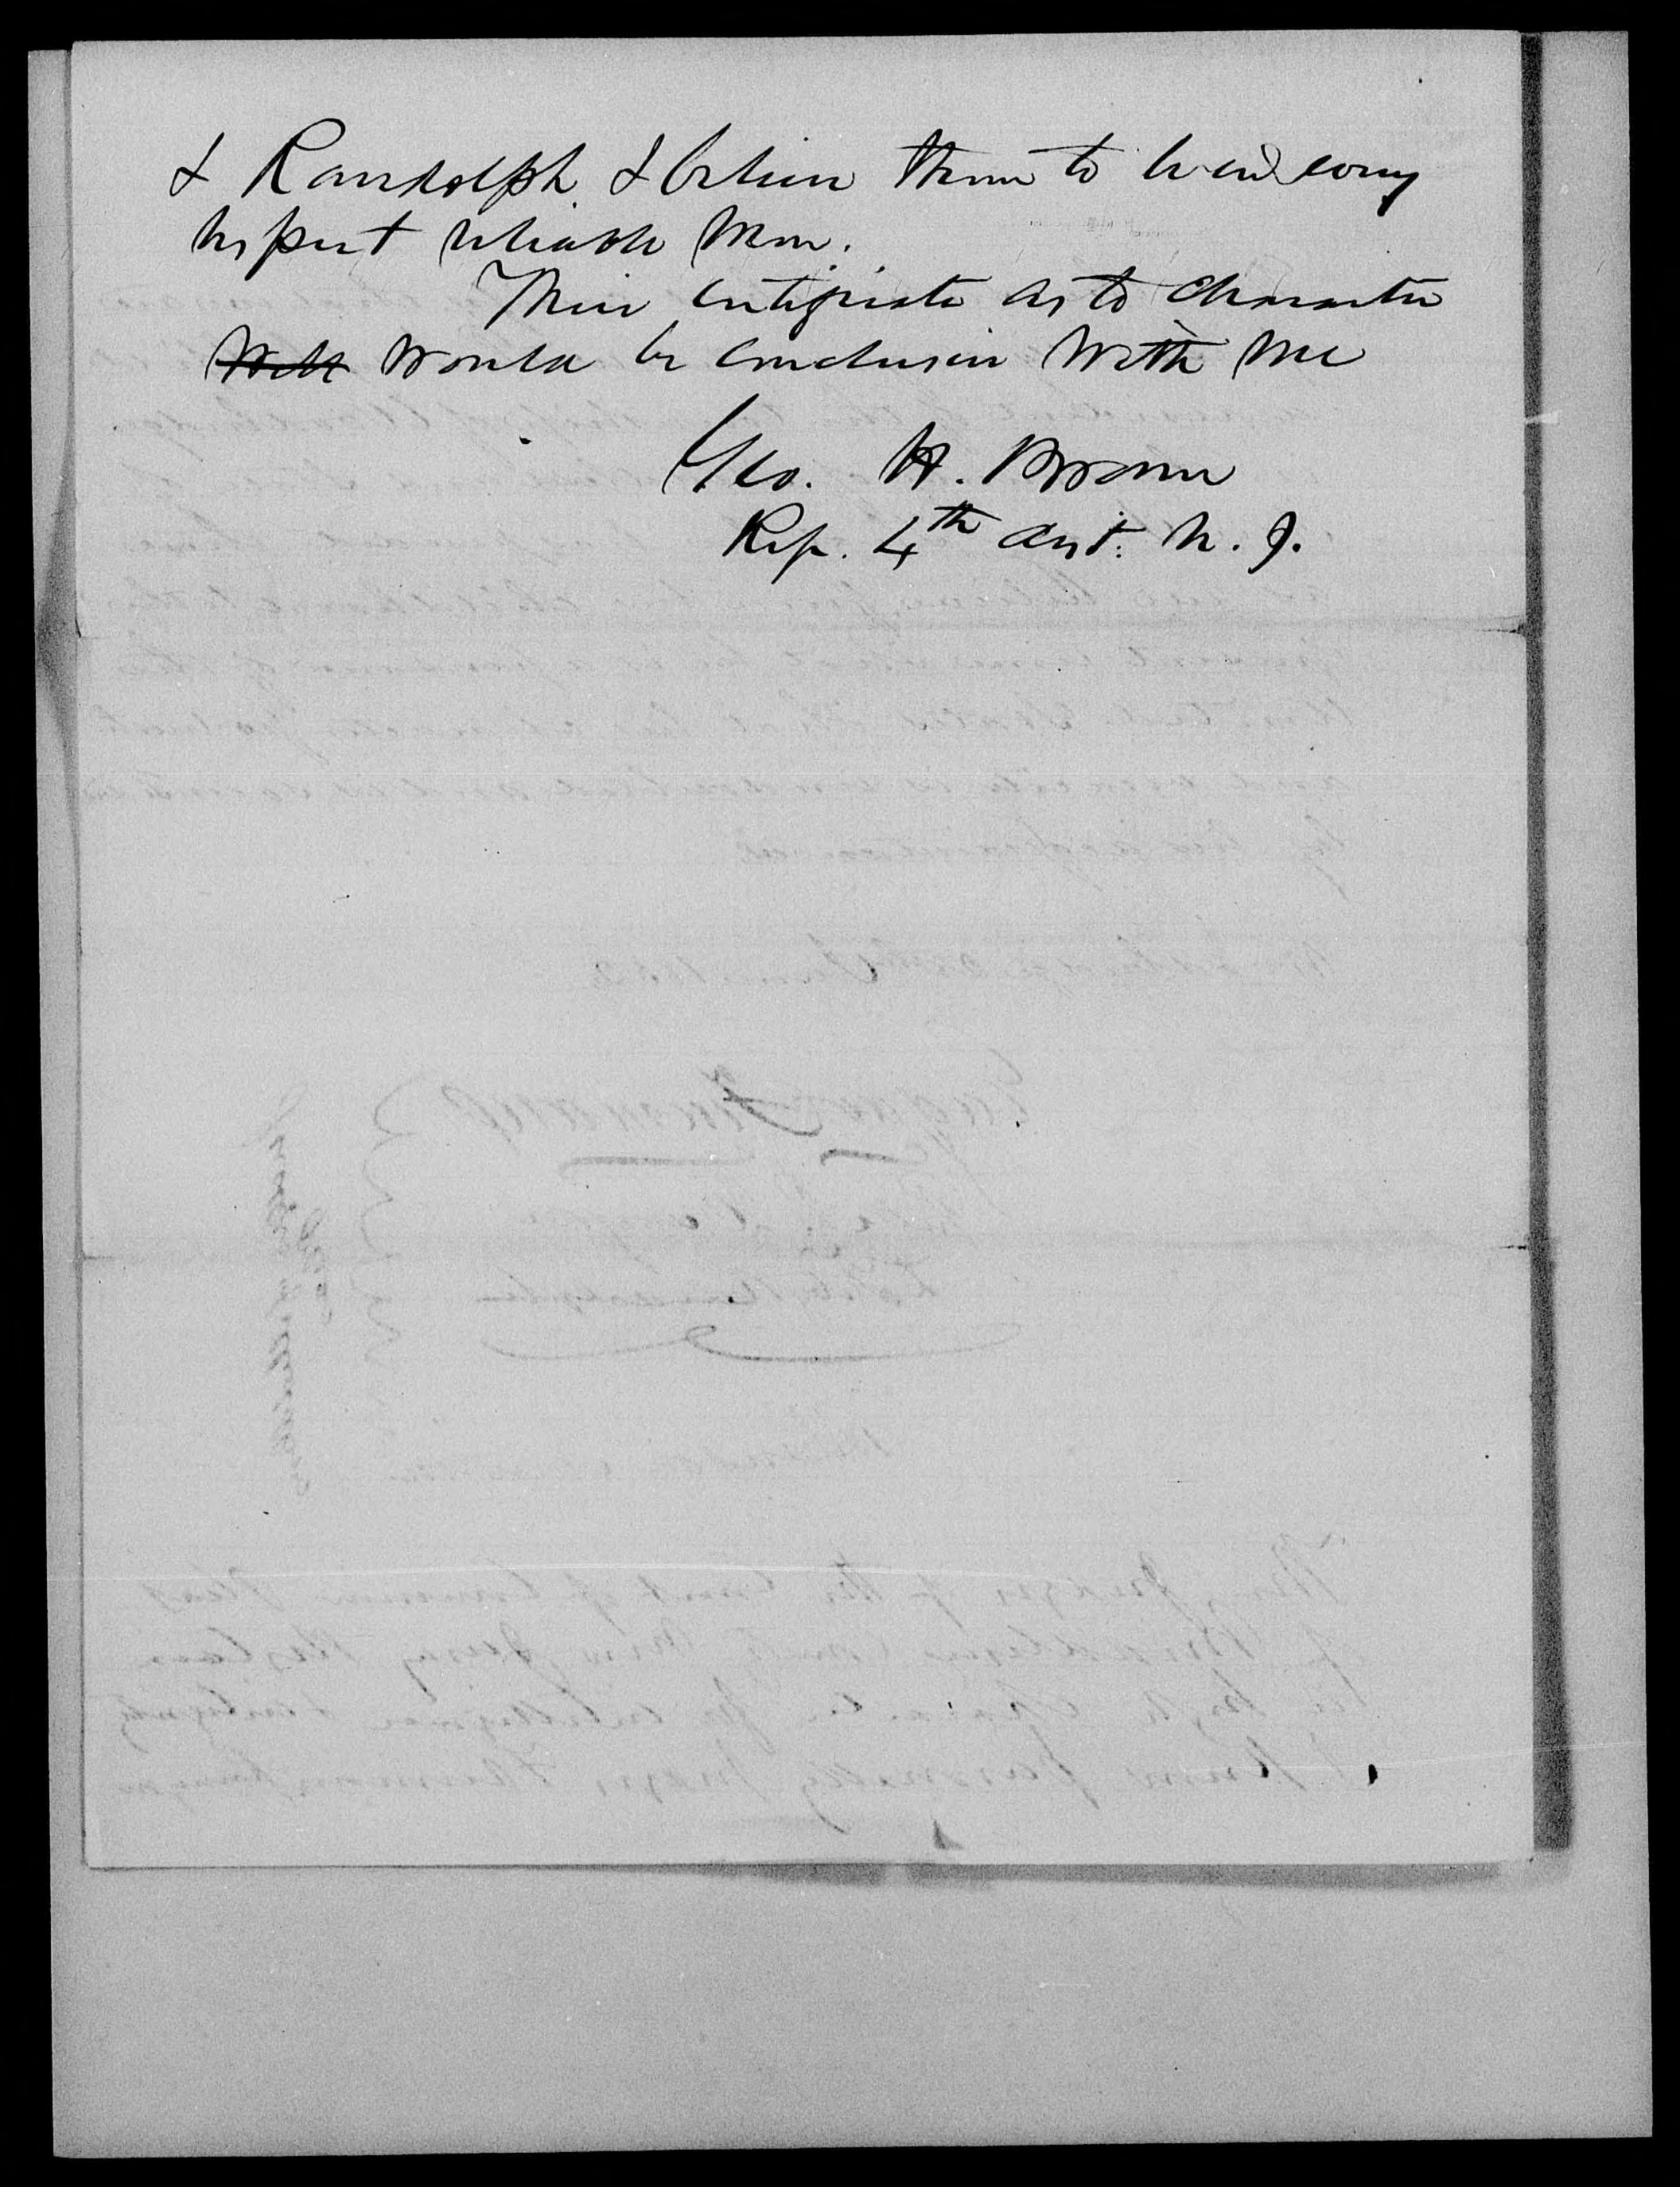...& Randolph & Newton, them to truth & being in past reliable men.

Their certificate as to character [crossed out: will] would be conclusive with me.
s/ Geo. H. Brown, Rep(resentative) 4th Dis(trict) N.J.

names: [BLANK] Randolph; Geo H Brown; [BLANK] Glien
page: 67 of 95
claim: survivor's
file: S 2889, for Levi Mundy, New Jersey